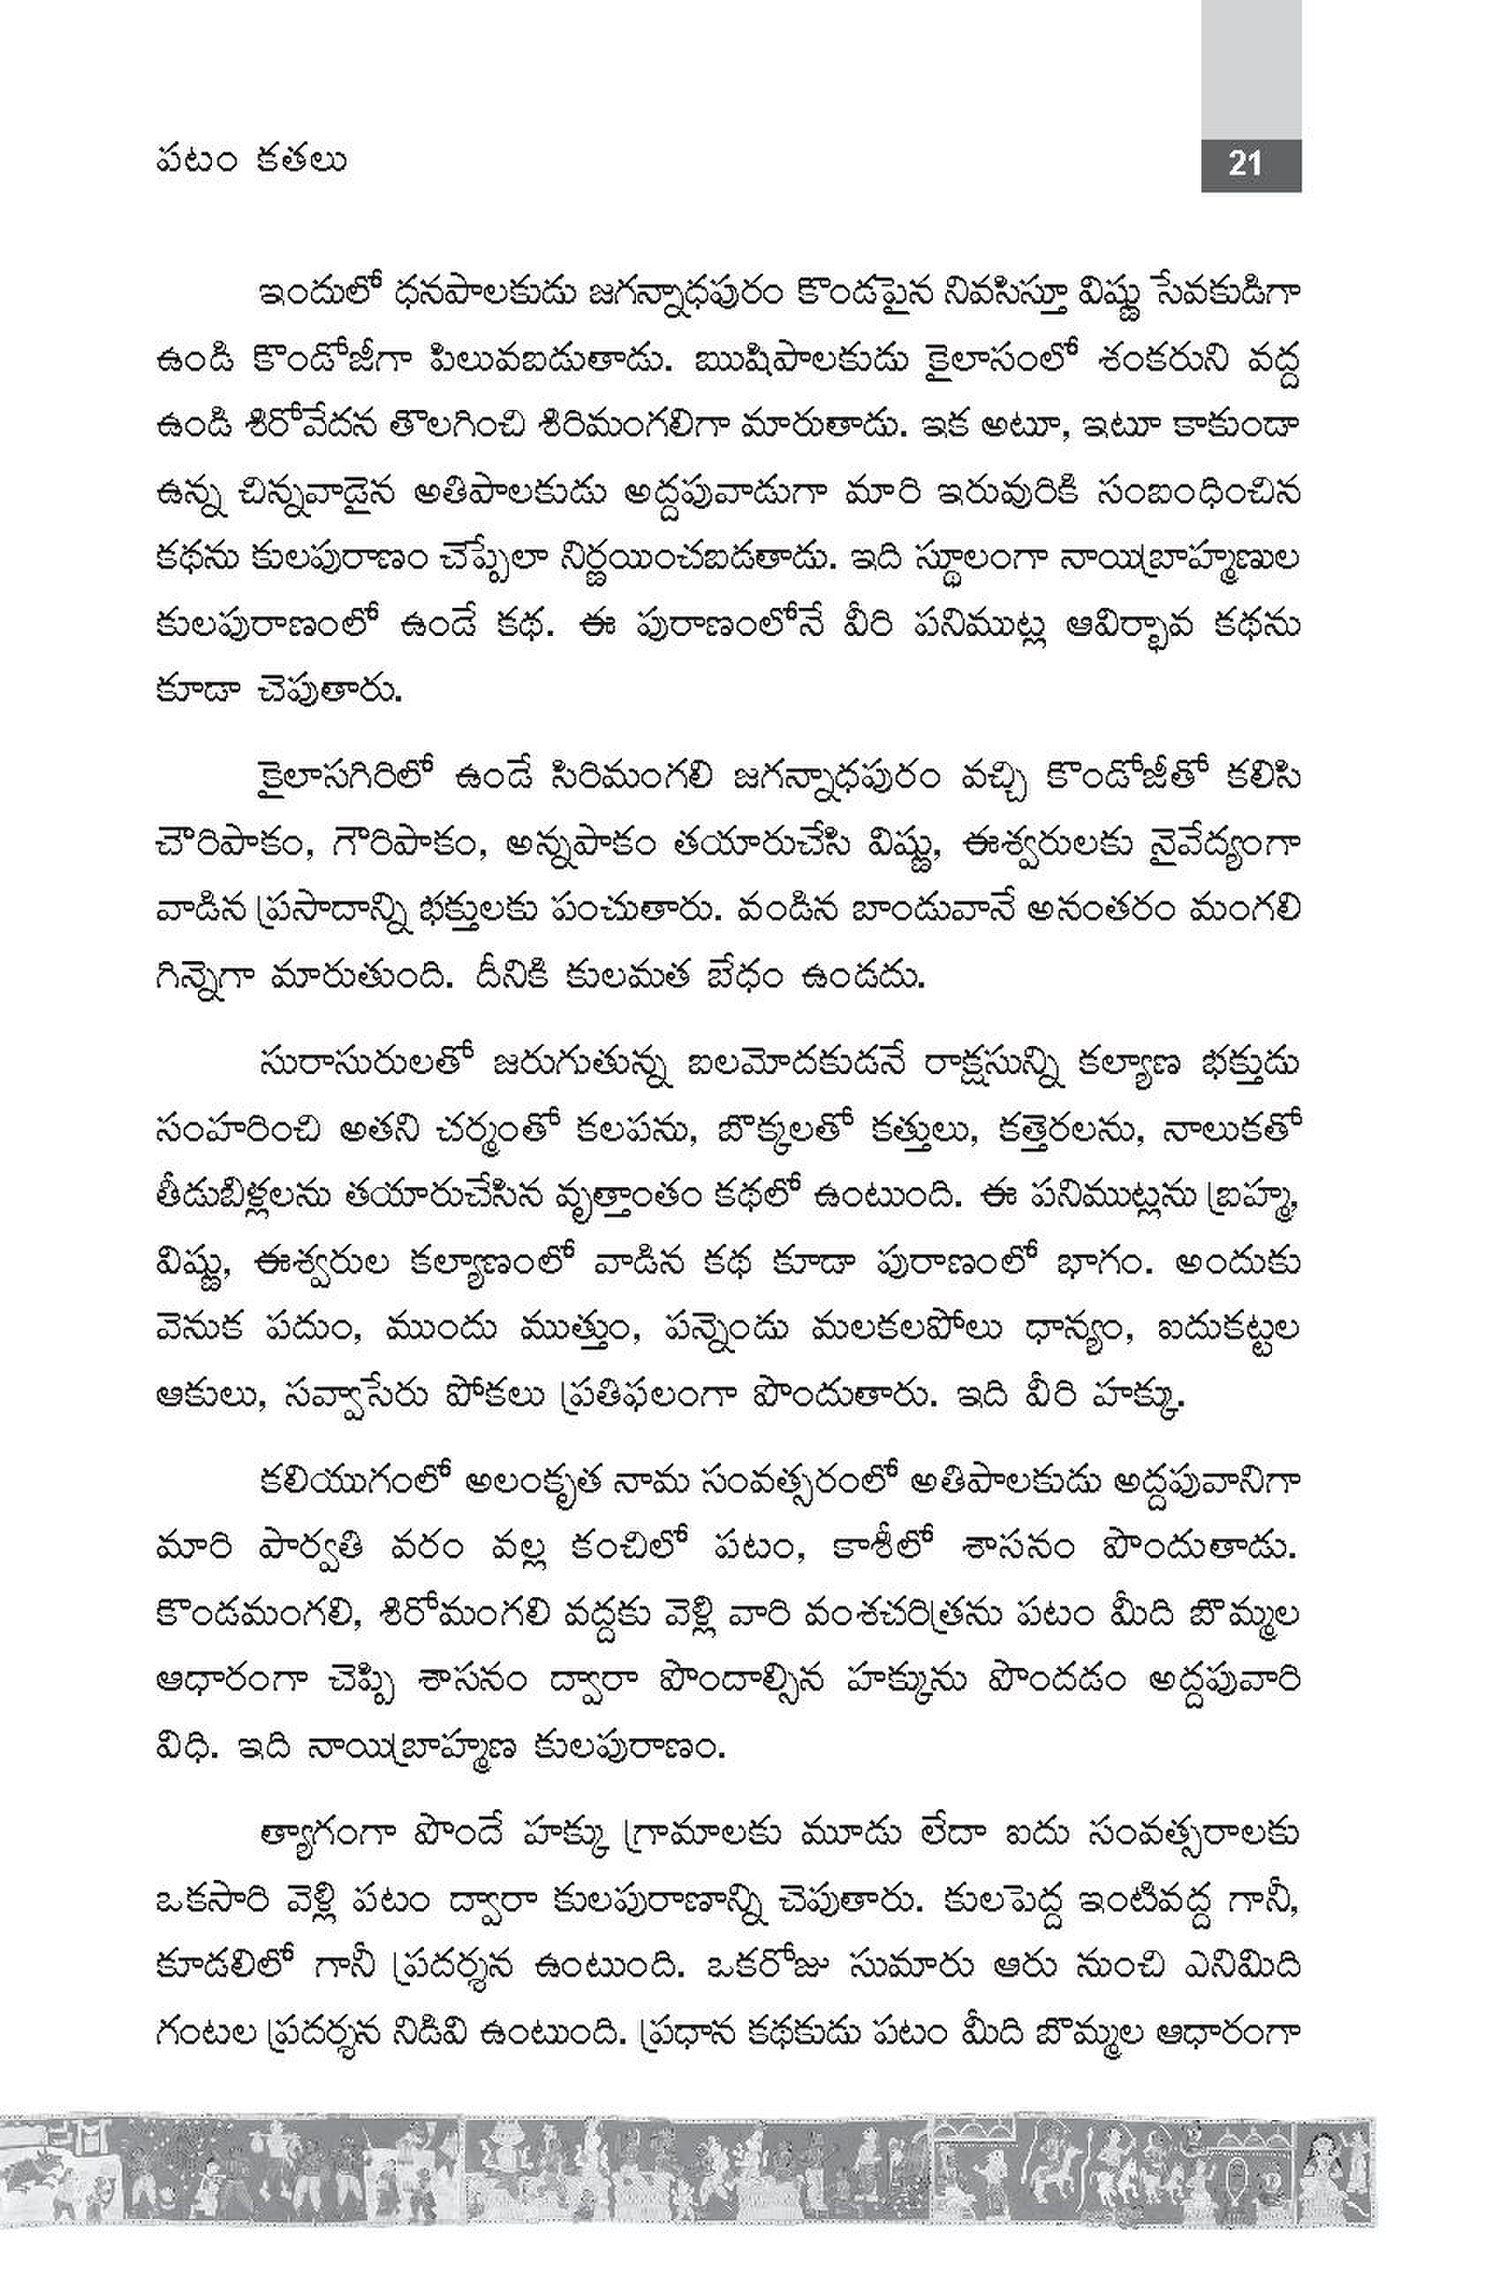ఇందులో ధనపాలకుడు జగన్నాధపురం కొండపైన నివసిస్తూ విష్ణు సేవకుడిగా ఉండి కొండోజీగా పిలువబడుతాడు. ఋషిపాలకుడు కైలాసంలో శంకరుని వద్ద ఉంది శిరోవేదన తొలగించి శిరిమంగలిగా మారుతాడు. ఇక అటూ, ఇటూ కాకుండా ఉన్న చిన్నవాడైన అతిపాలకుడు అద్దపువాడుగా మారి ఇరువురికి సంబంధించిన కథను కులపురాణం చెప్పేలా నిర్ణయించబడతాడు. ఇది స్థూలంగా నాయిబ్రాహ్మణుల కులపురాణంలో ఉండే కథ. ఈ పురాణంలోనే వీరి పనిముట్ల ఆవిర్భావ కథను కూడా చెపుతారు.

కైలాసగిరిలో ఉండే సిరిమంగలి జగన్నాధపురం వచ్చి కొండోజీతో కలిసి చౌరిపాకం, గౌరిపాకం, అన్నపాకం తయారుచేసి విష్ణు, ఈశ్వరులకు నైవేద్యంగా వాడిన ప్రసాదాన్ని భక్తులకు పంచుతారు. వండిన బాండువానే అనంతరం మంగలి
గిన్నెగా మారుతుంది. దీనికి కులమత బేధం ఉండదు.

సురాసురులతో జరుగుతున్న బలమోదకుడనే రాక్షసున్ని కల్యాణ భక్తుడు సంహరించి అతని చర్మంతో కలపను, బొక్కలతో కత్తులు, కత్తెరలను, నాలుకతో తీడుబిళ్లలను తయారుచేసిన వృత్తాంతం కథలో ఉంటుంది. ఈ పనిముట్లను బ్రహ్మ, విష్ణు, ఈశ్వరుల కల్యాణంలో వాడిన కథ కూడా పురాణంలో భాగం. అందుకు వెనుక పదుం, ముందు ముత్తుం, పన్నెండు మలకలపోలు ధాన్యం, ఐదుకట్టల ఆకులు, సవ్వాసేరు పోకలు ప్రతిఫలంగా పొందుతారు. ఇది వీరి హక్కు.

కలియుగంలో అలంకృత నామ సంవత్సరంలో అతిపాలకుడు అద్దపువానిగా మారి పార్వతి వరం వల్ల కంచిలో పటం, కాశీలో శాసనం పొందుతాడు. కొండమంగలి, శిరోమంగలి వద్దకు వెళ్లి వారి వంశచరిత్రను పటం మీది బొమ్మల
ఆధారంగా చెప్పి శాసనం ద్వారా పొందాల్సిన హక్కును పొందడం అద్దపువారి విధి. ఇది నాయిబ్రాహ్మణ కులపురాణం.

త్యాగంగా పొందే హక్కు గ్రామాలకు మూడు లేదా ఐదు సంవత్సరాలకు ఒకసారి వెళ్లి పటం ద్వారా కులపురాణాన్ని చెపుతారు. కులపెద్ద ఇంటివద్ద గానీ, కూడలిలో గానీ ప్రదర్శన ఉంటుంది. ఒకరోజు సుమారు ఆరు నుంచి ఎనిమిది
గంటల ప్రదర్శన నిడివి ఉంటుంది. ప్రధాన కథకుడు పటం మీది బొమ్మల ఆధారంగా